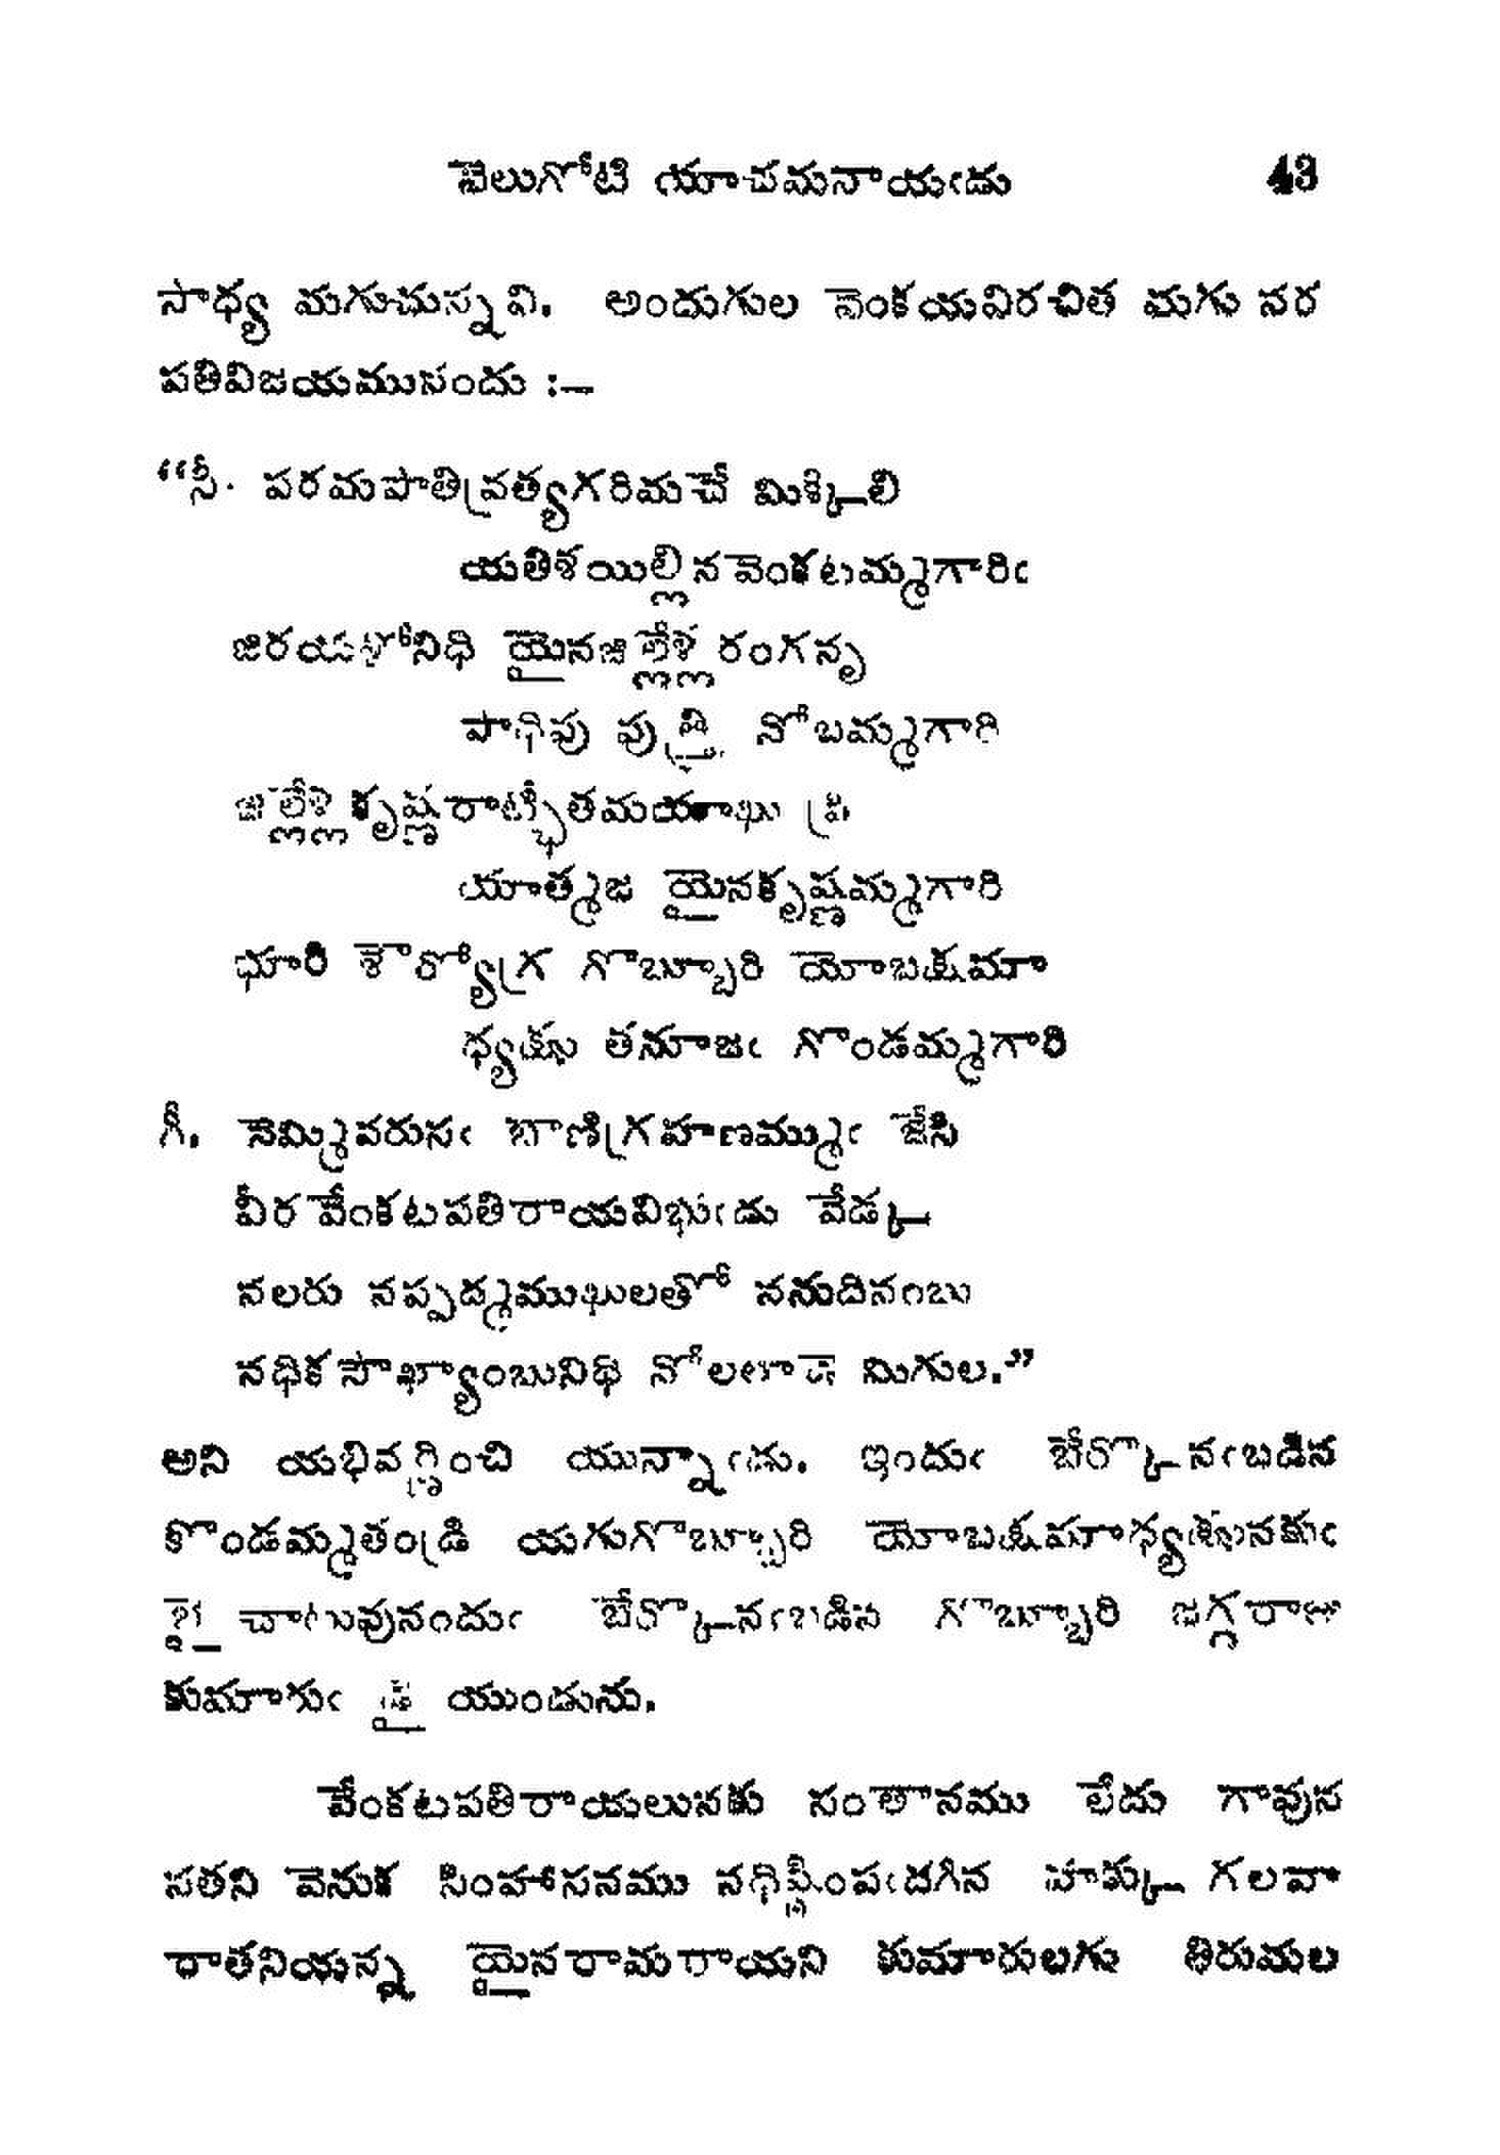సాధ్య మగుచున్నవి. అందుగుల వెంకయవిరచిత మగు నరపతివిజయమునందు :-

 "సీ. పరమపాతివ్రత్యగరిమచే మిక్కిలి
 యతిశయిల్లినవెంకటమ్మగారిఁ
 జిరయశోనిధి యైనజిల్లేళ్ల రంగనృ
 పాధిపు పుత్రి నోబమ్మగారి
 జిల్లేళ్లకృష్ణరాట్చీతమయాఖు ప్రి
 యాత్మజ యైనకృష్ణమ్మగారి
 భూరి శౌర్యోగ్ర గొబ్బూరి యోబక్షమా
 ధ్యక్షు తనూజఁ గొండమ్మగారి
 గీ. నెమ్మివరుసఁ బాణిగ్రహణమ్ముఁ జేసి
 వీర వేంకటపతిరాయవిభుఁడు వేడ్క
 నలరు నప్పద్మముఖులతో ననుదినంబు
 నధికసౌఖ్యాంబునిధి నోలలాడె మిగుల."

అని యభివర్ణించి యున్నాఁడు. ఇందుఁ బేర్కొనఁబడిన కొండమ్మతండ్రి యగుగొబ్బూరి యోబక్షమాధ్యక్షునకుఁ బై చాటువునందుఁ బేర్కొనఁబడిన గొబ్బూరి జగ్గరాజు కుమారుఁ డై యుండును.

వేంకటపతిరాయలునకు సంతానము లేదు గావున నతని వెనుక సింహాసనము నధిష్ఠింపఁదగిన హక్కు గలవా రాతనియన్న యైనరామరాయని కుమారులగు తిరుమల